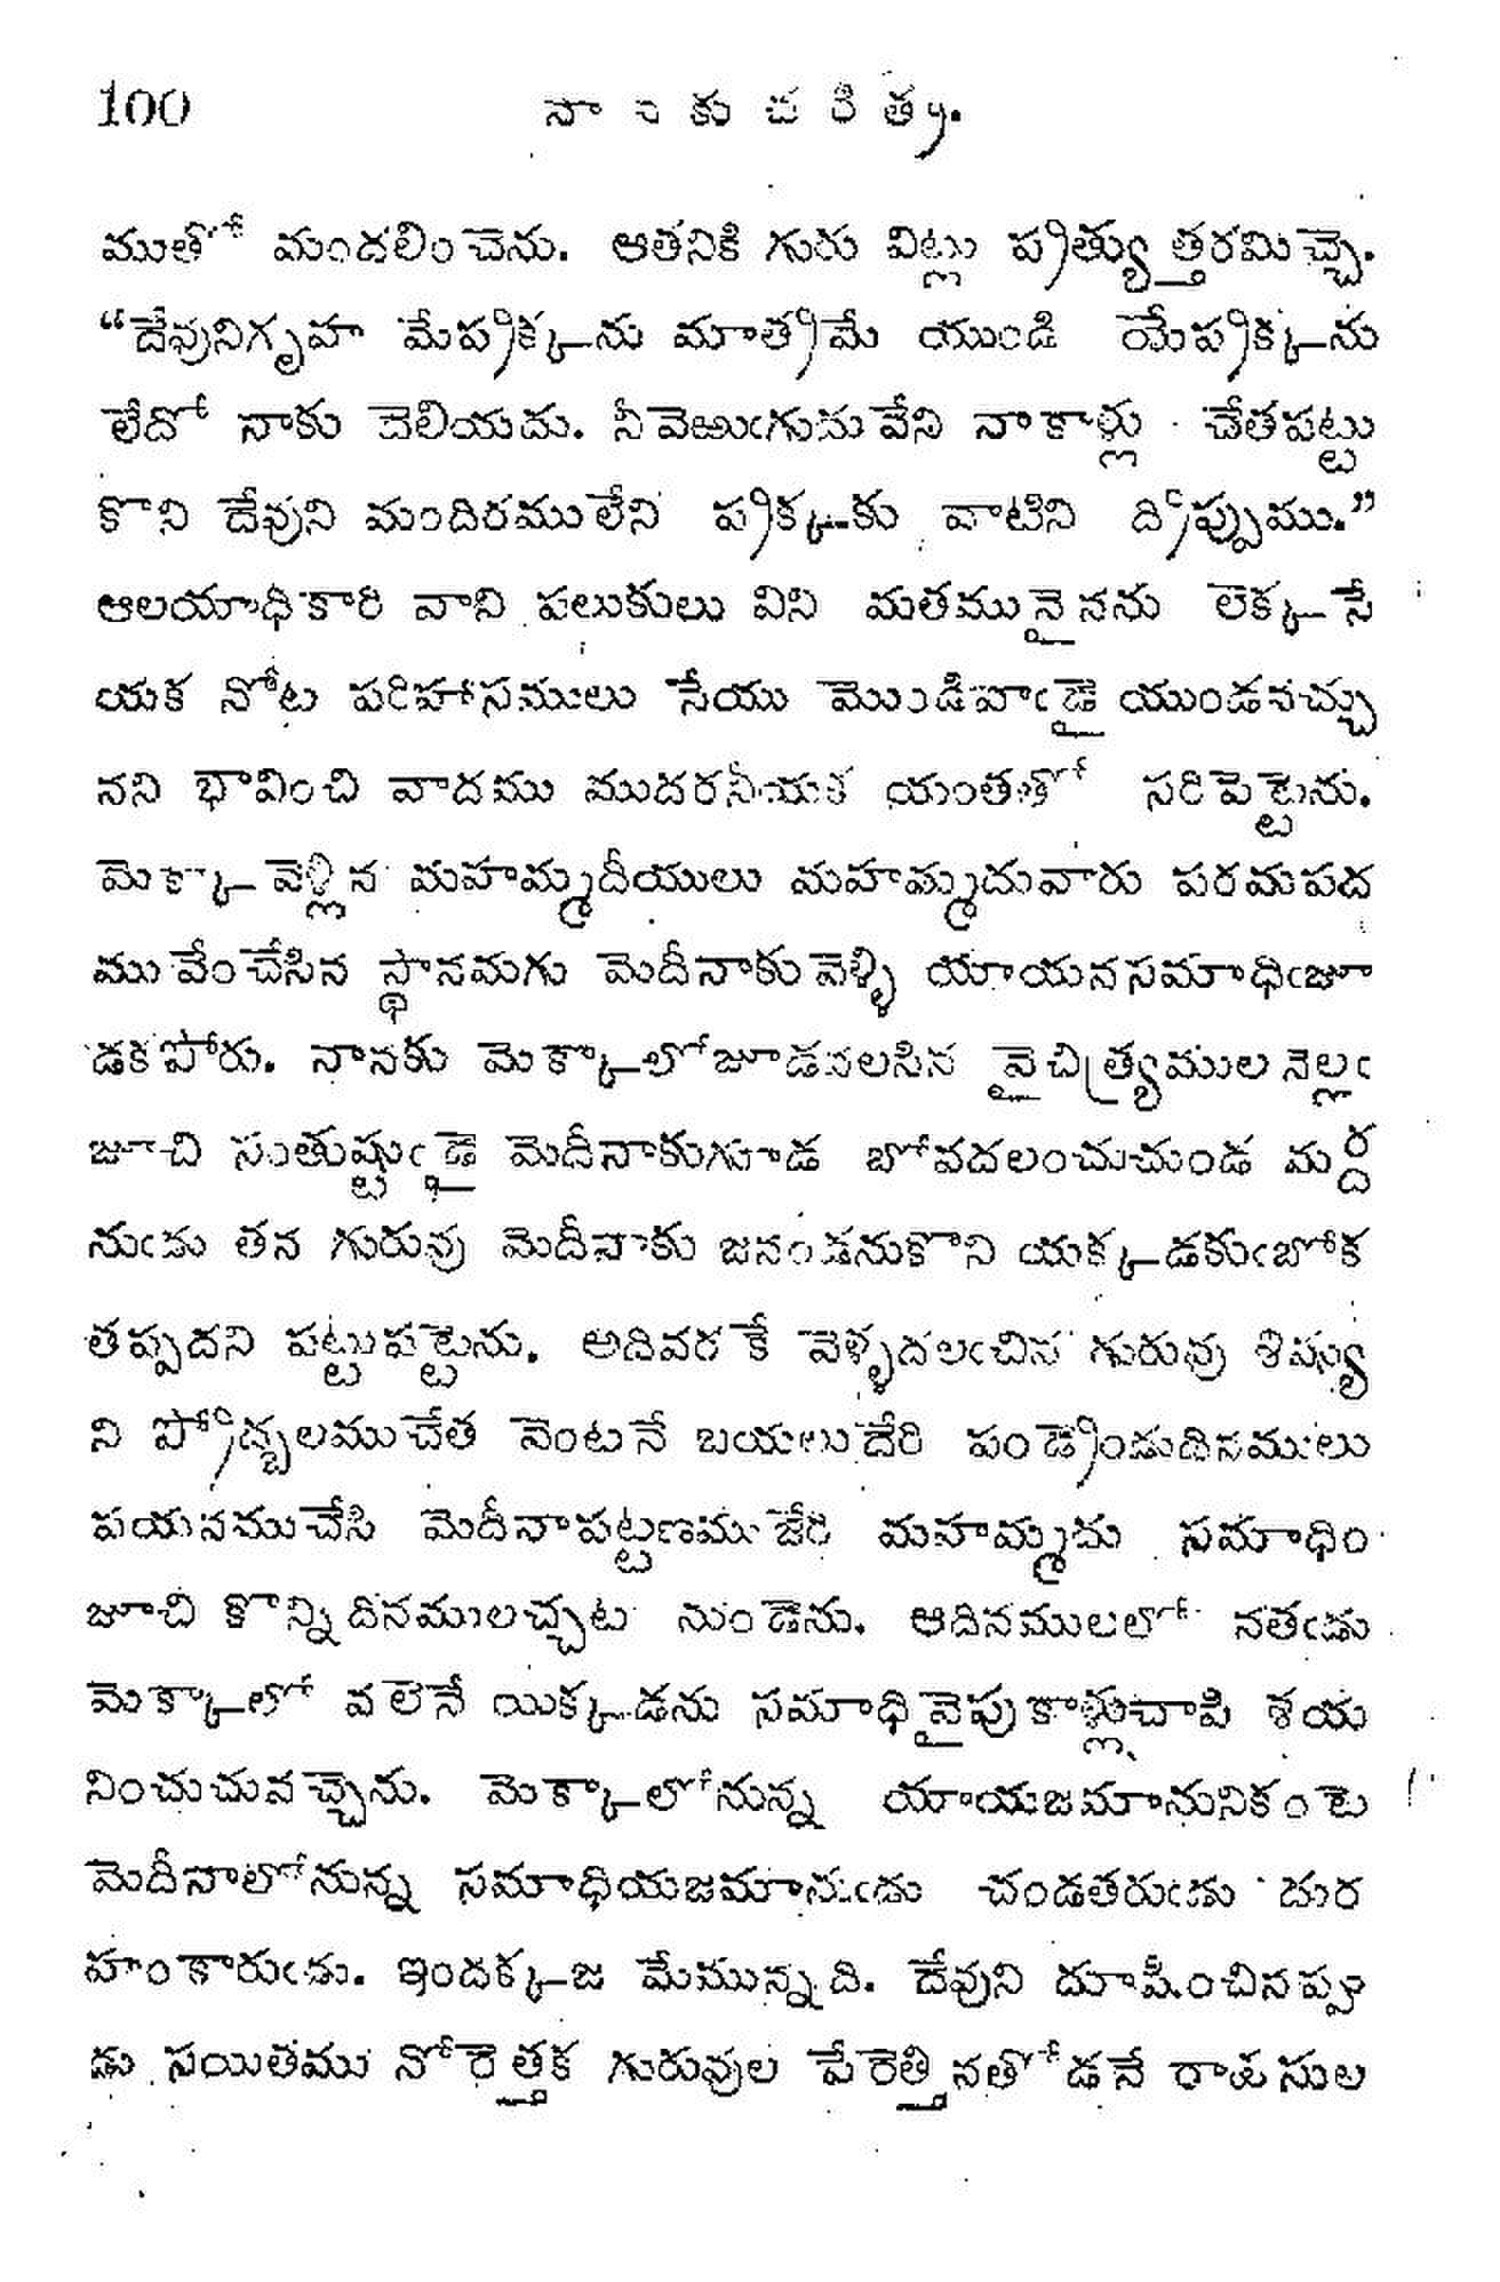ముతో మందలించెను. అతనికి గురు విట్లు ప్రత్యుత్తరమిచ్చె. 'దేవునిగృహ మేప్రక్కను మాత్రమే యుండి యేప్రక్కను లేదో నాకు దెలియదు. నీవెఱుగుదువేని నాకాళ్లు చేతపట్టుకొని దేవుని మందిరములేని ప్రక్కకు వాటిని ద్రిప్పుము." ఆలయాధికారి వాని పలుకులు విని మతమునైనను లెక్కసేయక నోట పరిహాసములు సేయు మొండివాడై యుండవచ్చునని భావించి వాదము ముదరనీయక యంతతో సరిపెట్టెను. మెక్కావెళ్లిన మహమ్మదీయులు మహమ్మదువారు పరమపదము వేంచేసిన స్థానమగు మెదీనాకువెళ్ళి యాయనసమాధిజూడక పోరు. నానకు మెక్కాలోజూడవలసిన వైచిత్ర్యములనెల్లజూచి సంతుష్టుడై మెదీనాకుగూడ బోవదలంచుచుండ మర్దనుడు తన గురువు మెదీనాకు జనండనుకొని యక్కడకుబోక తప్పదని పట్టుపట్టెను. అదివరకే వెళ్ళదలచిన గురువు శిష్యుని ప్రోద్బలముచేత వెంటనే బయలుదేరి పండ్రెండుదినములు పయనముచేసి మెదీనాపట్టణముజేరి మహమ్మదు సమాధింజూచి కొన్నిదినములచ్చట నుండెను. ఆదినములలో నతడు మెక్కాలో వలెనే యిక్కడను సమాధివైపుకాళ్లుచాపి శయనించుచువచ్చెను. మెక్కాలోనున్న యాయజమానునికంటె మెదినాలోనున్న సమాధియజమానుడు చండతరుడు దురహంకారుడు. ఇందక్కజ మేమున్నది. దేవుని దూషించునప్పుడు సయితము నోరెత్తక గురువుల పేరెత్తినతోడనే రాక్షసుల